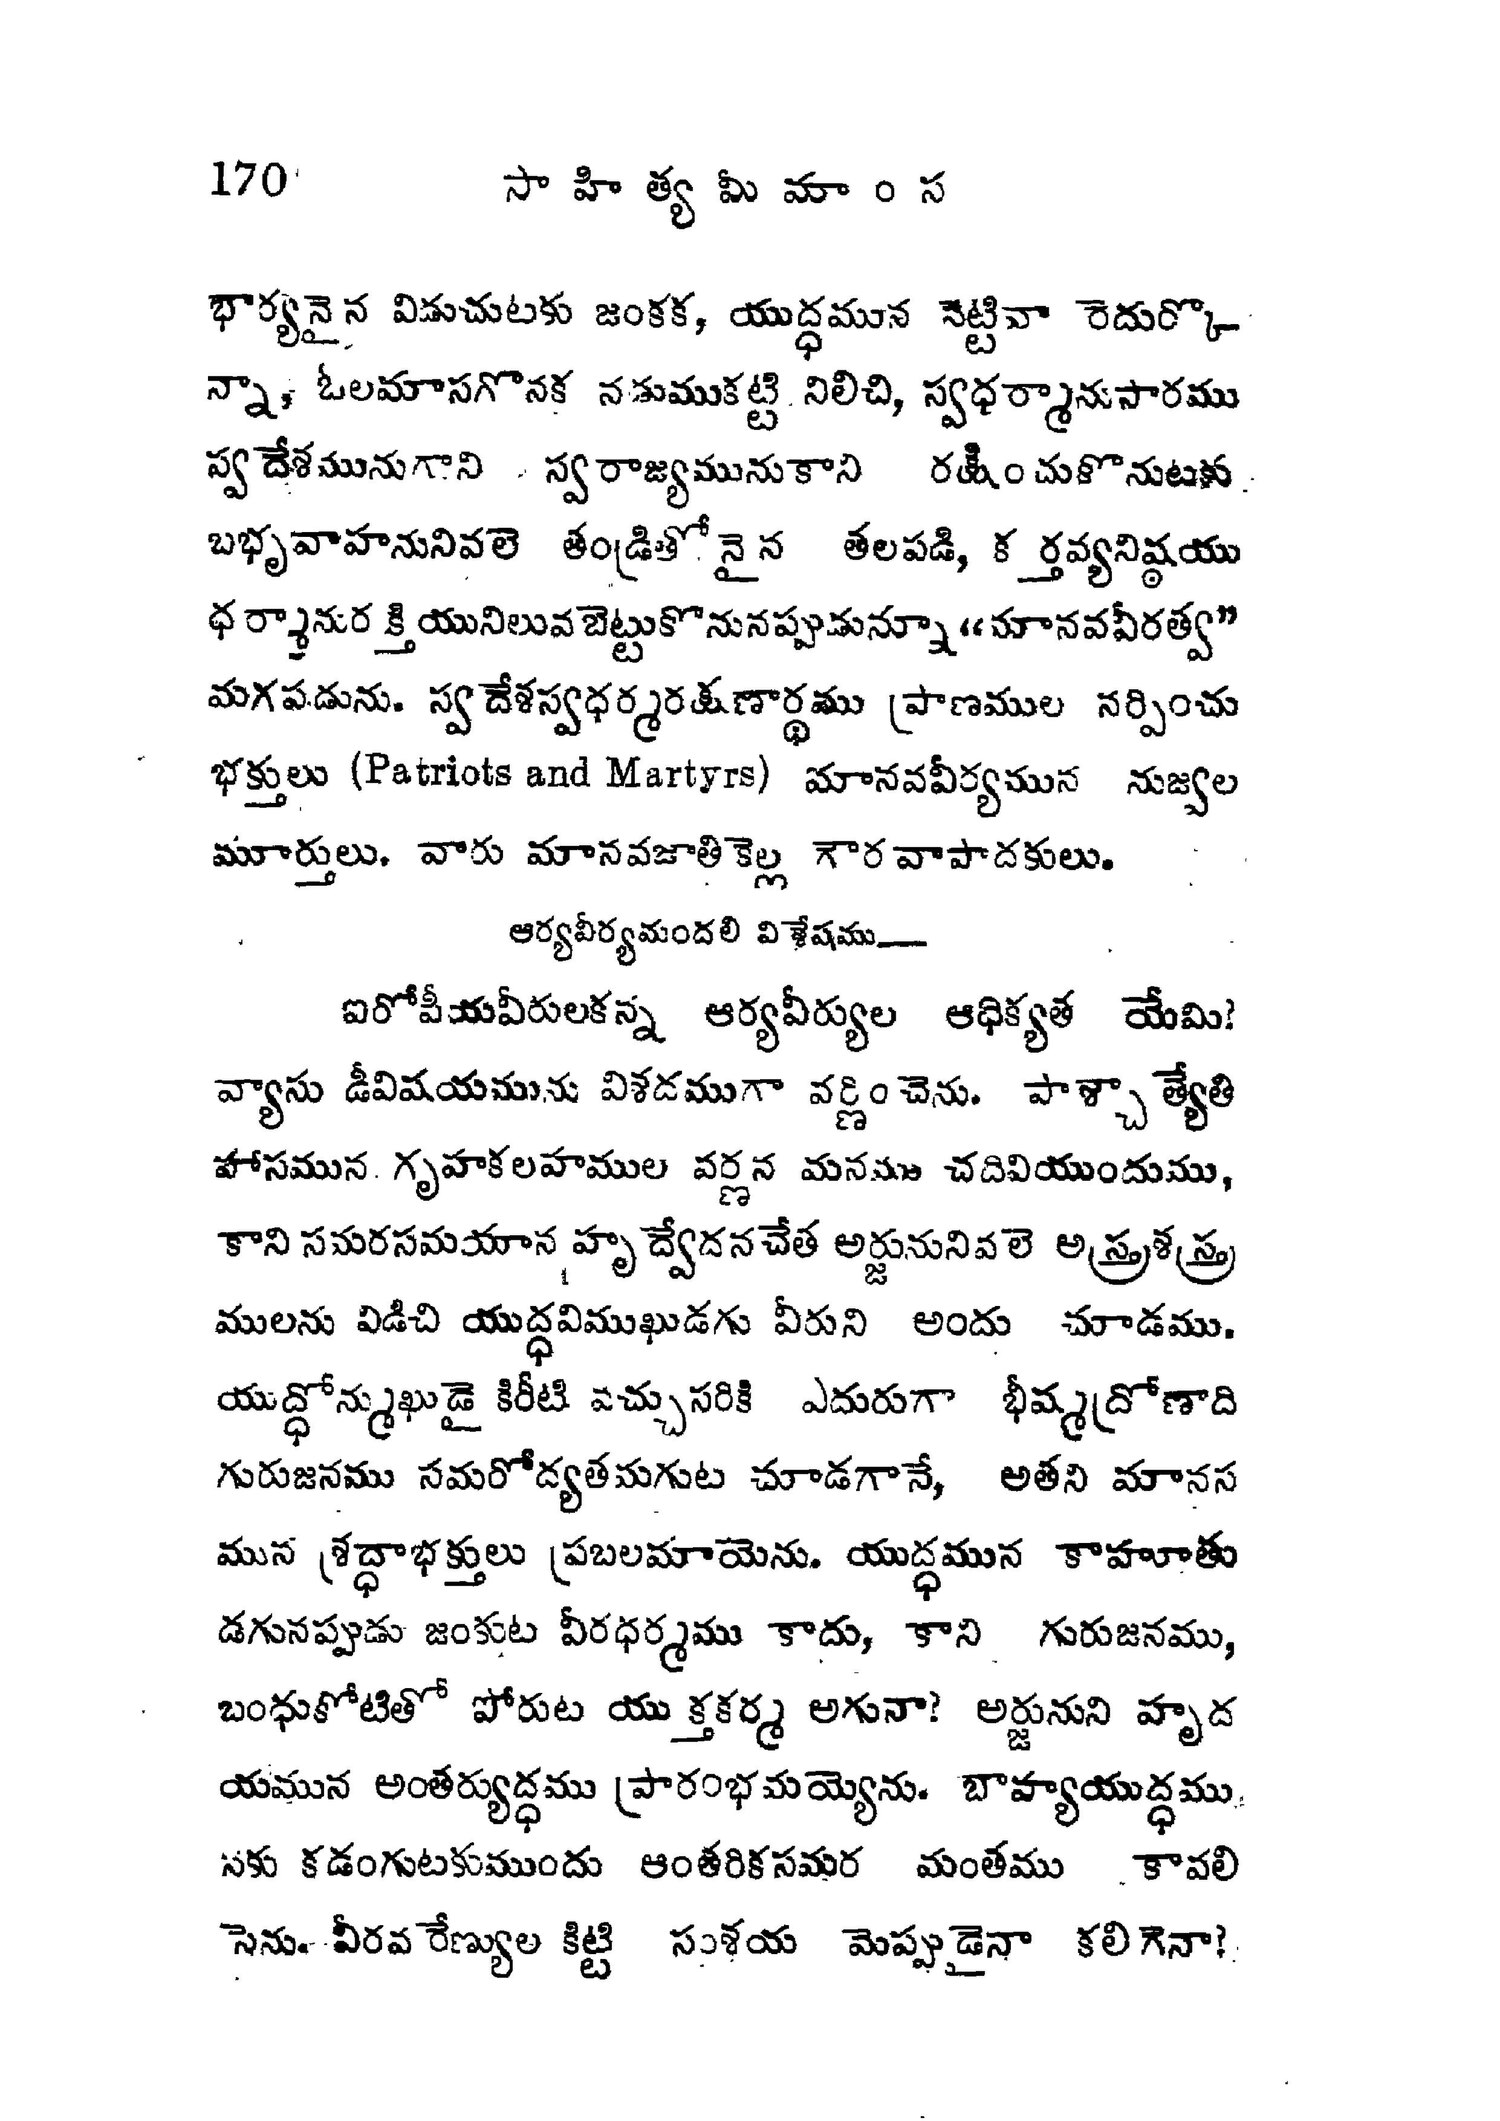భార్యనైన విడుచుటకు జంకక, యుద్ధమున నెట్టివా రెదుర్కొన్నా, ఓలమాసగొనక నడుముకట్టి నిలిచి, స్వధర్మానుసారము స్వదేశమునుగాని స్వరాజ్యమునుకాని రక్షించుకొనుటకు బభృవాహనునివలె తండ్రితోనైన తలపడి, కర్తవ్యనిష్ఠయు ధర్మానురక్తియు నిలువబెట్టుకొనునప్పుడున్నూ "మానవవీరత్వ" మగపడును. స్వదేశస్వధర్మ రక్షణార్థము ప్రాణముల నర్పించు భక్తులు (Patriots and Martyrs) మానవవీర్యమున నుజ్వల మూర్తులు. వారు మానవజాతికెల్ల గౌరవాపాదకులు.

ఐరోపీయవీరులకన్న ఆర్యవీర్యుల ఆధిక్యత యేమి? వ్యాసు డీవిషయమును విశదముగా వర్ణించెను. పాశ్చాత్యేతి హాసమున గృహకలహముల వర్ణన మనము చదివియుందుము. కాని సమరసమయాన హృద్వేదనచేత అర్జునునివలె అస్త్రశస్త్రములను విడిచి యుద్ధవిముఖుడగు వీరుని అందు చూడము. యుద్ధోన్ముఖుడై కిరీటి వచ్చుసరికి ఎదురుగా భీష్మద్రోణాది గురుజనము సమరోద్యతమగుట చూడగానే, అతని మానసమున శ్రద్ధాభక్తులు ప్రబలమాయెను. యుద్ధమున కాహూతుడగునప్పుడు జంకుట వీరధర్మము కాదు, కాని గురుజనము, బంధుకోటితో పోరుట యుక్తకర్మ అగునా? అర్జునుని హృదయమున అంతర్యుద్ధము ప్రారంభమయ్యెను. బాహ్యయుద్ధమునకు కడంగుటకుముందు ఆంతరికసమర మంతయు కావలిసెను. వీరవరేణ్యుల కిట్టి సంశయ మెప్పుడైనా కలిగెనా?